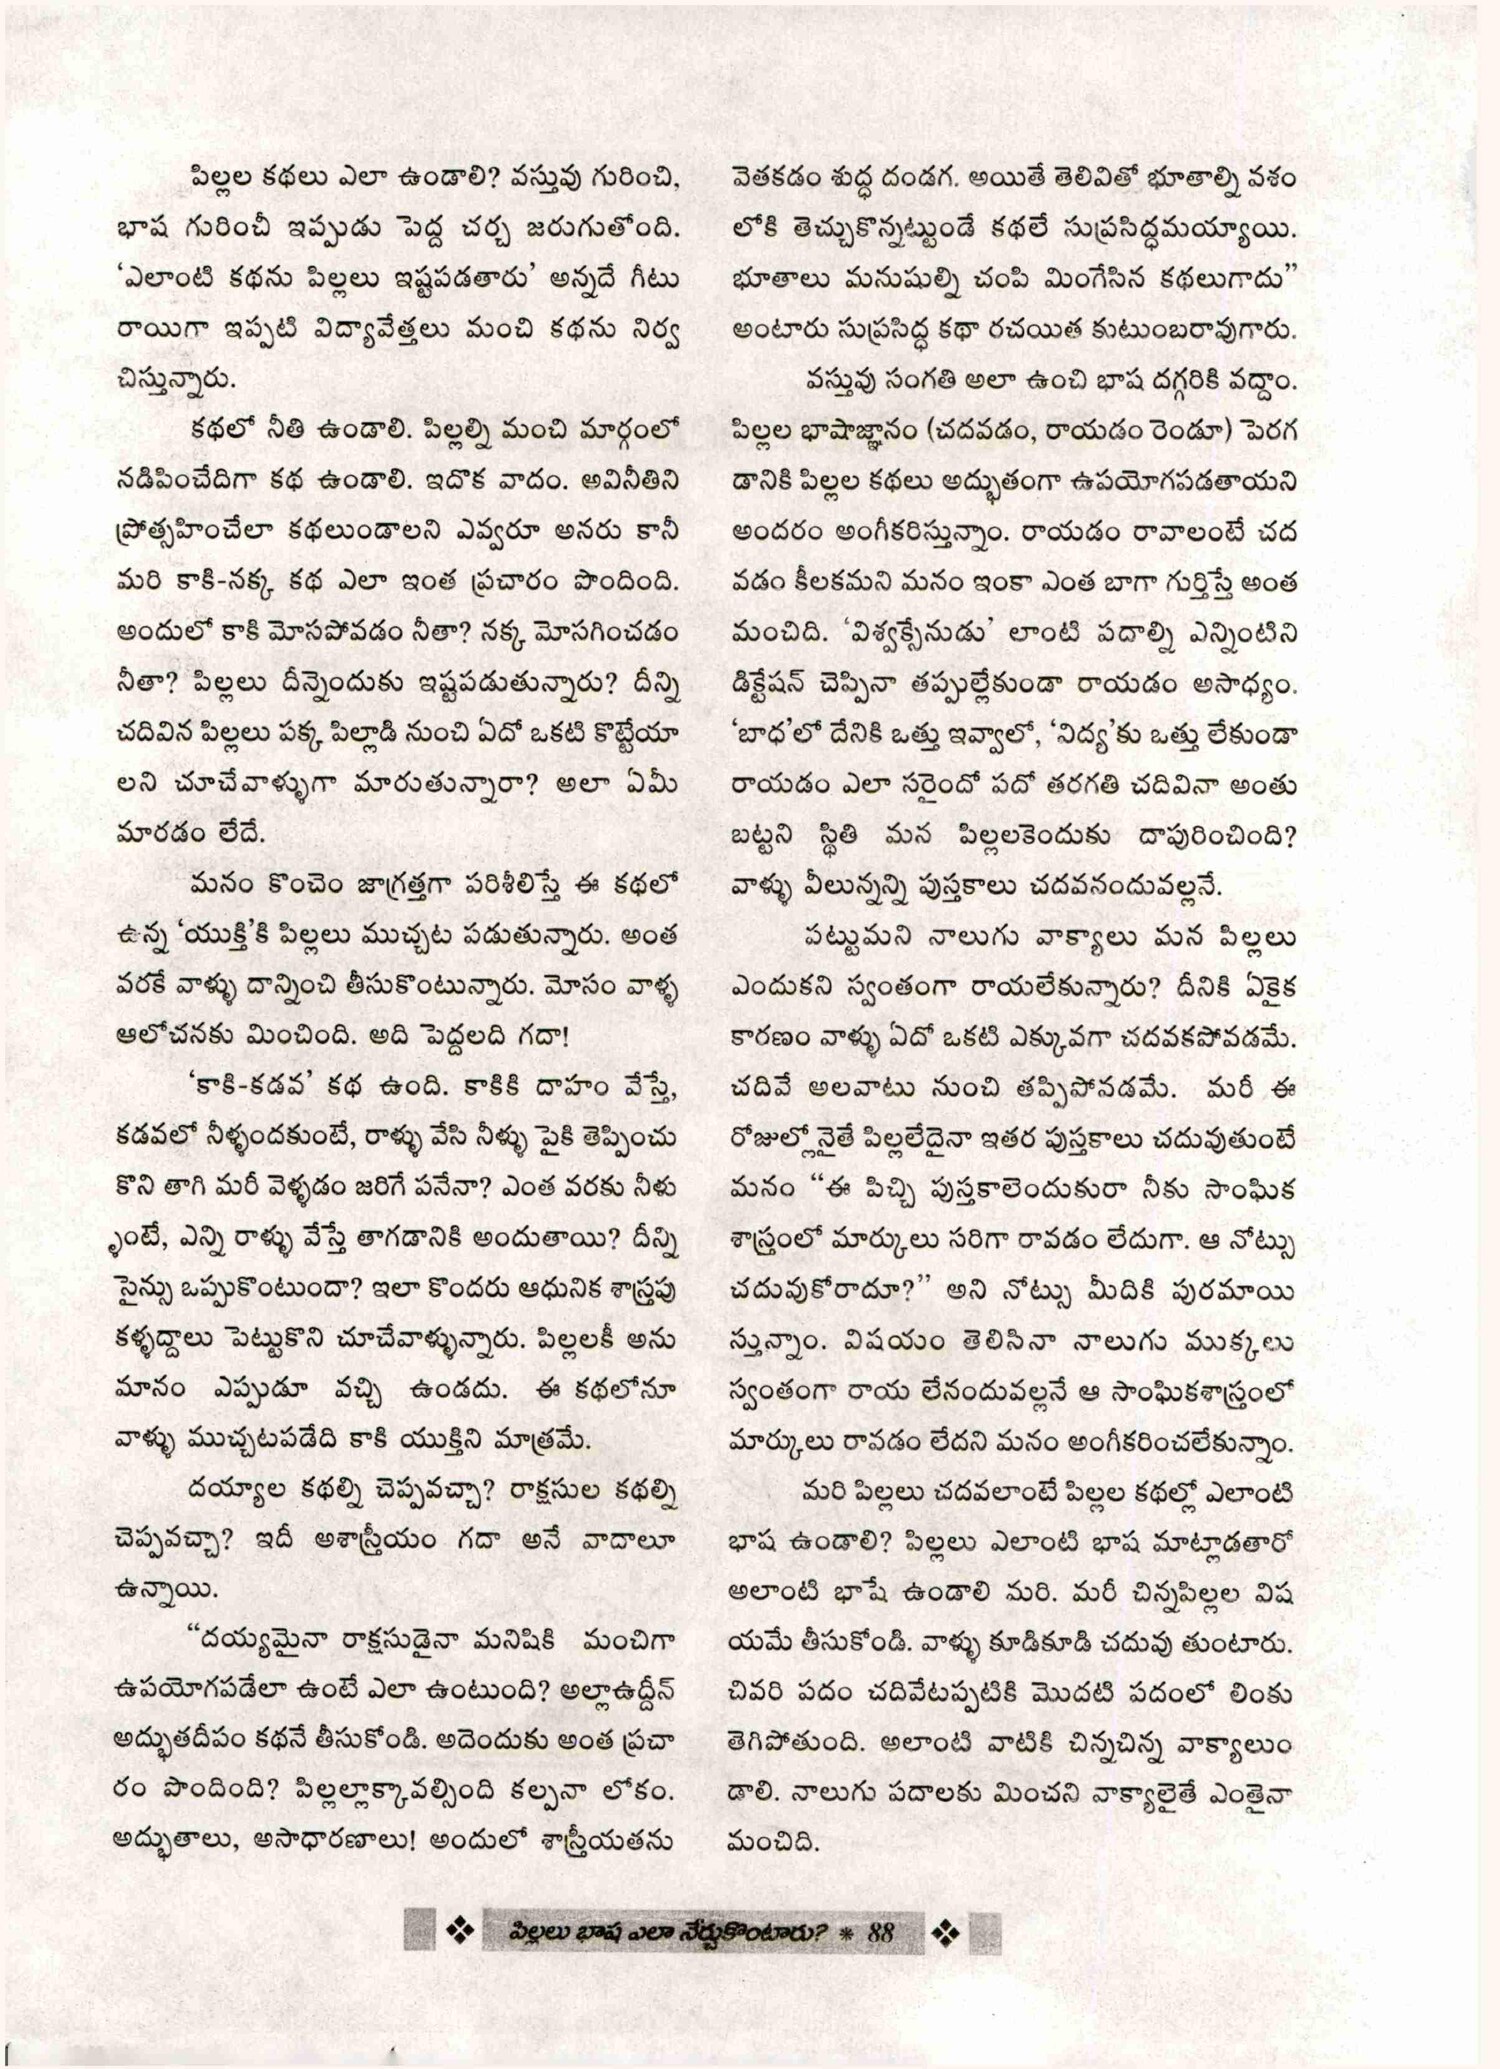పిల్లల కథలు ఎలా ఉండాలి? వస్తువు గురించి, భాష గురించీ ఇప్పుడు పెద్ద చర్చ జరుగుతోంది. 'ఎలాంటి కథను పిల్లలు ఇష్టపడతారు' అన్నదే గీటురాయిగా ఇప్పటి విద్యావేత్తలు మంచి కథను నిర్వచిస్తున్నారు.

కథలో నీతి ఉండాలి. పిల్లల్ని మంచి మార్గంలో నడిపించేదిగా కథ ఉండాలి. ఇదొక వాదం. అవినీతిని ప్రోత్సహించేలా కథలుండాలని ఎవ్వరూ అనరు కానీ మరి కాకి - నక్క కథ ఎలా ఇంత ప్రచారం పొందింది. అందులో కాకి మోసపోవడం నీతా? నక్క మోసగించడం నీతా? పిల్లలు దీన్నెందుకు ఇష్టపడుతున్నారు? దీన్ని చదివిన పిల్లలు పక్క పిల్లాడి నుంచి ఏదో ఒకటి కొట్టేయాలని చూచేవాళ్ళుగా మారుతున్నారా? అలా ఏమీ మారడం లేదే.

మనం కొంచెం జాగ్రత్తగా పరిశీలిస్తే ఈ కథలో ఉన్న ‘యుక్తి'కి పిల్లలు ముచ్చట పడుతున్నారు. అంతవరకే వాళ్ళు దాన్నించి తీసుకొంటున్నారు. మోసం వాళ్ళ ఆలోచనకు మించింది. అది పెద్దలది గదా!

'కాకి-కడవ' కథ ఉంది. కాకికి దాహం వేస్తే, కడవలో నీళ్ళందకుంటే, రాళ్ళు వేసి నీళ్ళు పైకి తెప్పించుకొని తాగి మరీ వెళ్ళడం జరిగే పనేనా? ఎంత వరకు నీళ్ళుంటే, ఎన్ని రాళ్ళు వేస్తే తాగడానికి అందుతాయి? దీన్ని సైన్సు ఒప్పుకొంటుందా? ఇలా కొందరు ఆధునిక శాస్త్రపు కళ్ళద్దాలు పెట్టుకొని చూచేవాళ్ళున్నారు. పిల్లలకీ అనుమానం ఎప్పుడూ వచ్చి ఉండదు. ఈ కథలోనూ వాళ్ళు ముచ్చటపడేది కాకి యుక్తిని మాత్రమే.

దయ్యాల కథల్ని చెప్పవచ్చా? రాక్షసుల కథల్ని చెప్పవచ్చా? ఇదీ అశాస్త్రీయం గదా అనే వాదాలూ ఉన్నాయి.

"దయ్యమైనా రాక్షసుడైనా మనిషికి మంచిగా ఉపయోగపడేలా ఉంటే ఎలా ఉంటుంది? అల్లాఉద్దీన్ అద్భుతదీపం కథనే తీసుకోండి. అదెందుకు అంత ప్రచారం పొందింది? పిల్లల్లాక్కావల్సింది కల్పనా లోకం. అద్భుతాలు, అసాధారణాలు! అందులో శాస్త్రీయతను వెతకడం శుద్ధ దండగ. అయితే తెలివితో భూతాల్ని వశంలోకి తెచ్చుకొన్నట్టుండే కథలే సుప్రసిద్ధమయ్యాయి. భూతాలు మనుషుల్ని చంపి మింగేసిన కథలుగాదు” అంటారు సుప్రసిద్ధ కథా రచయిత కుటుంబరావుగారు.

వస్తువు సంగతి అలా ఉంచి భాష దగ్గరికి వద్దాం. పిల్లల భాషాజ్ఞానం (చదవడం, రాయడం రెండూ) పెరగడానికి పిల్లల కథలు అద్భుతంగా ఉపయోగపడతాయని అందరం అంగీకరిస్తున్నాం. రాయడం రావాలంటే చదవడం కీలకమని మనం ఇంకా ఎంత బాగా గుర్తిస్తే అంత మంచిది. 'విశ్వక్సేనుడు' లాంటి పదాల్ని ఎన్నింటిని డిక్టేషన్ చెప్పినా తప్పుల్లేకుండా రాయడం అసాధ్యం. ‘బాధ'లో దేనికి ఒత్తు ఇవ్వాలో, 'విద్య'కు ఒత్తు లేకుండా రాయడం ఎలా సరైందో పదో తరగతి చదివినా అంతుబట్టని స్థితి మన పిల్లలకెందుకు దాపురించింది? వాళ్ళు వీలున్నన్ని పుస్తకాలు చదవనందువల్లనే.

పట్టుమని నాలుగు వాక్యాలు మన పిల్లలు ఎందుకని స్వంతంగా రాయలేకున్నారు? దీనికి ఏకైక కారణం వాళ్ళు ఏదో ఒకటి ఎక్కువగా చదవకపోవడమే. చదివే అలవాటు నుంచి తప్పిపోవడమే. మరీ ఈ రోజుల్లోనైతే పిల్లలేదైనా ఇతర పుస్తకాలు చదువుతుంటే మనం “ఈ పిచ్చి పుస్తకాలెందుకురా నీకు సాంఘికశాస్త్రంలో మార్కులు సరిగా రావడం లేదుగా. ఆ నోట్సు చదువుకోరాదూ?" అని నోట్సు మీదికి పురమాయిస్తున్నాం. విషయం తెలిసినా నాలుగు ముక్కలు
స్వంతంగా రాయ లేనందువల్లనే ఆ సాంఘికశాస్త్రంలో మార్కులు రావడం లేదని మనం అంగీకరించలేకున్నాం.

మరి పిల్లలు చదవలాంటే పిల్లల కథల్లో ఎలాంటి భాష ఉండాలి? పిల్లలు ఎలాంటి భాష మాట్లాడతారో అలాంటి భాషే ఉండాలి మరి. మరీ చిన్నపిల్లల విషయమే తీసుకోండి. వాళ్ళు కూడికూడి చదువు తుంటారు. చివరి పదం చదివేటప్పటికి మొదటి పదంలో లింకు తెగిపోతుంది. అలాంటి వాటికి చిన్నచిన్న వాక్యాలుండాలి. నాలుగు పదాలకు మించని వాక్యాలైతే ఎంతైనా మంచిది.